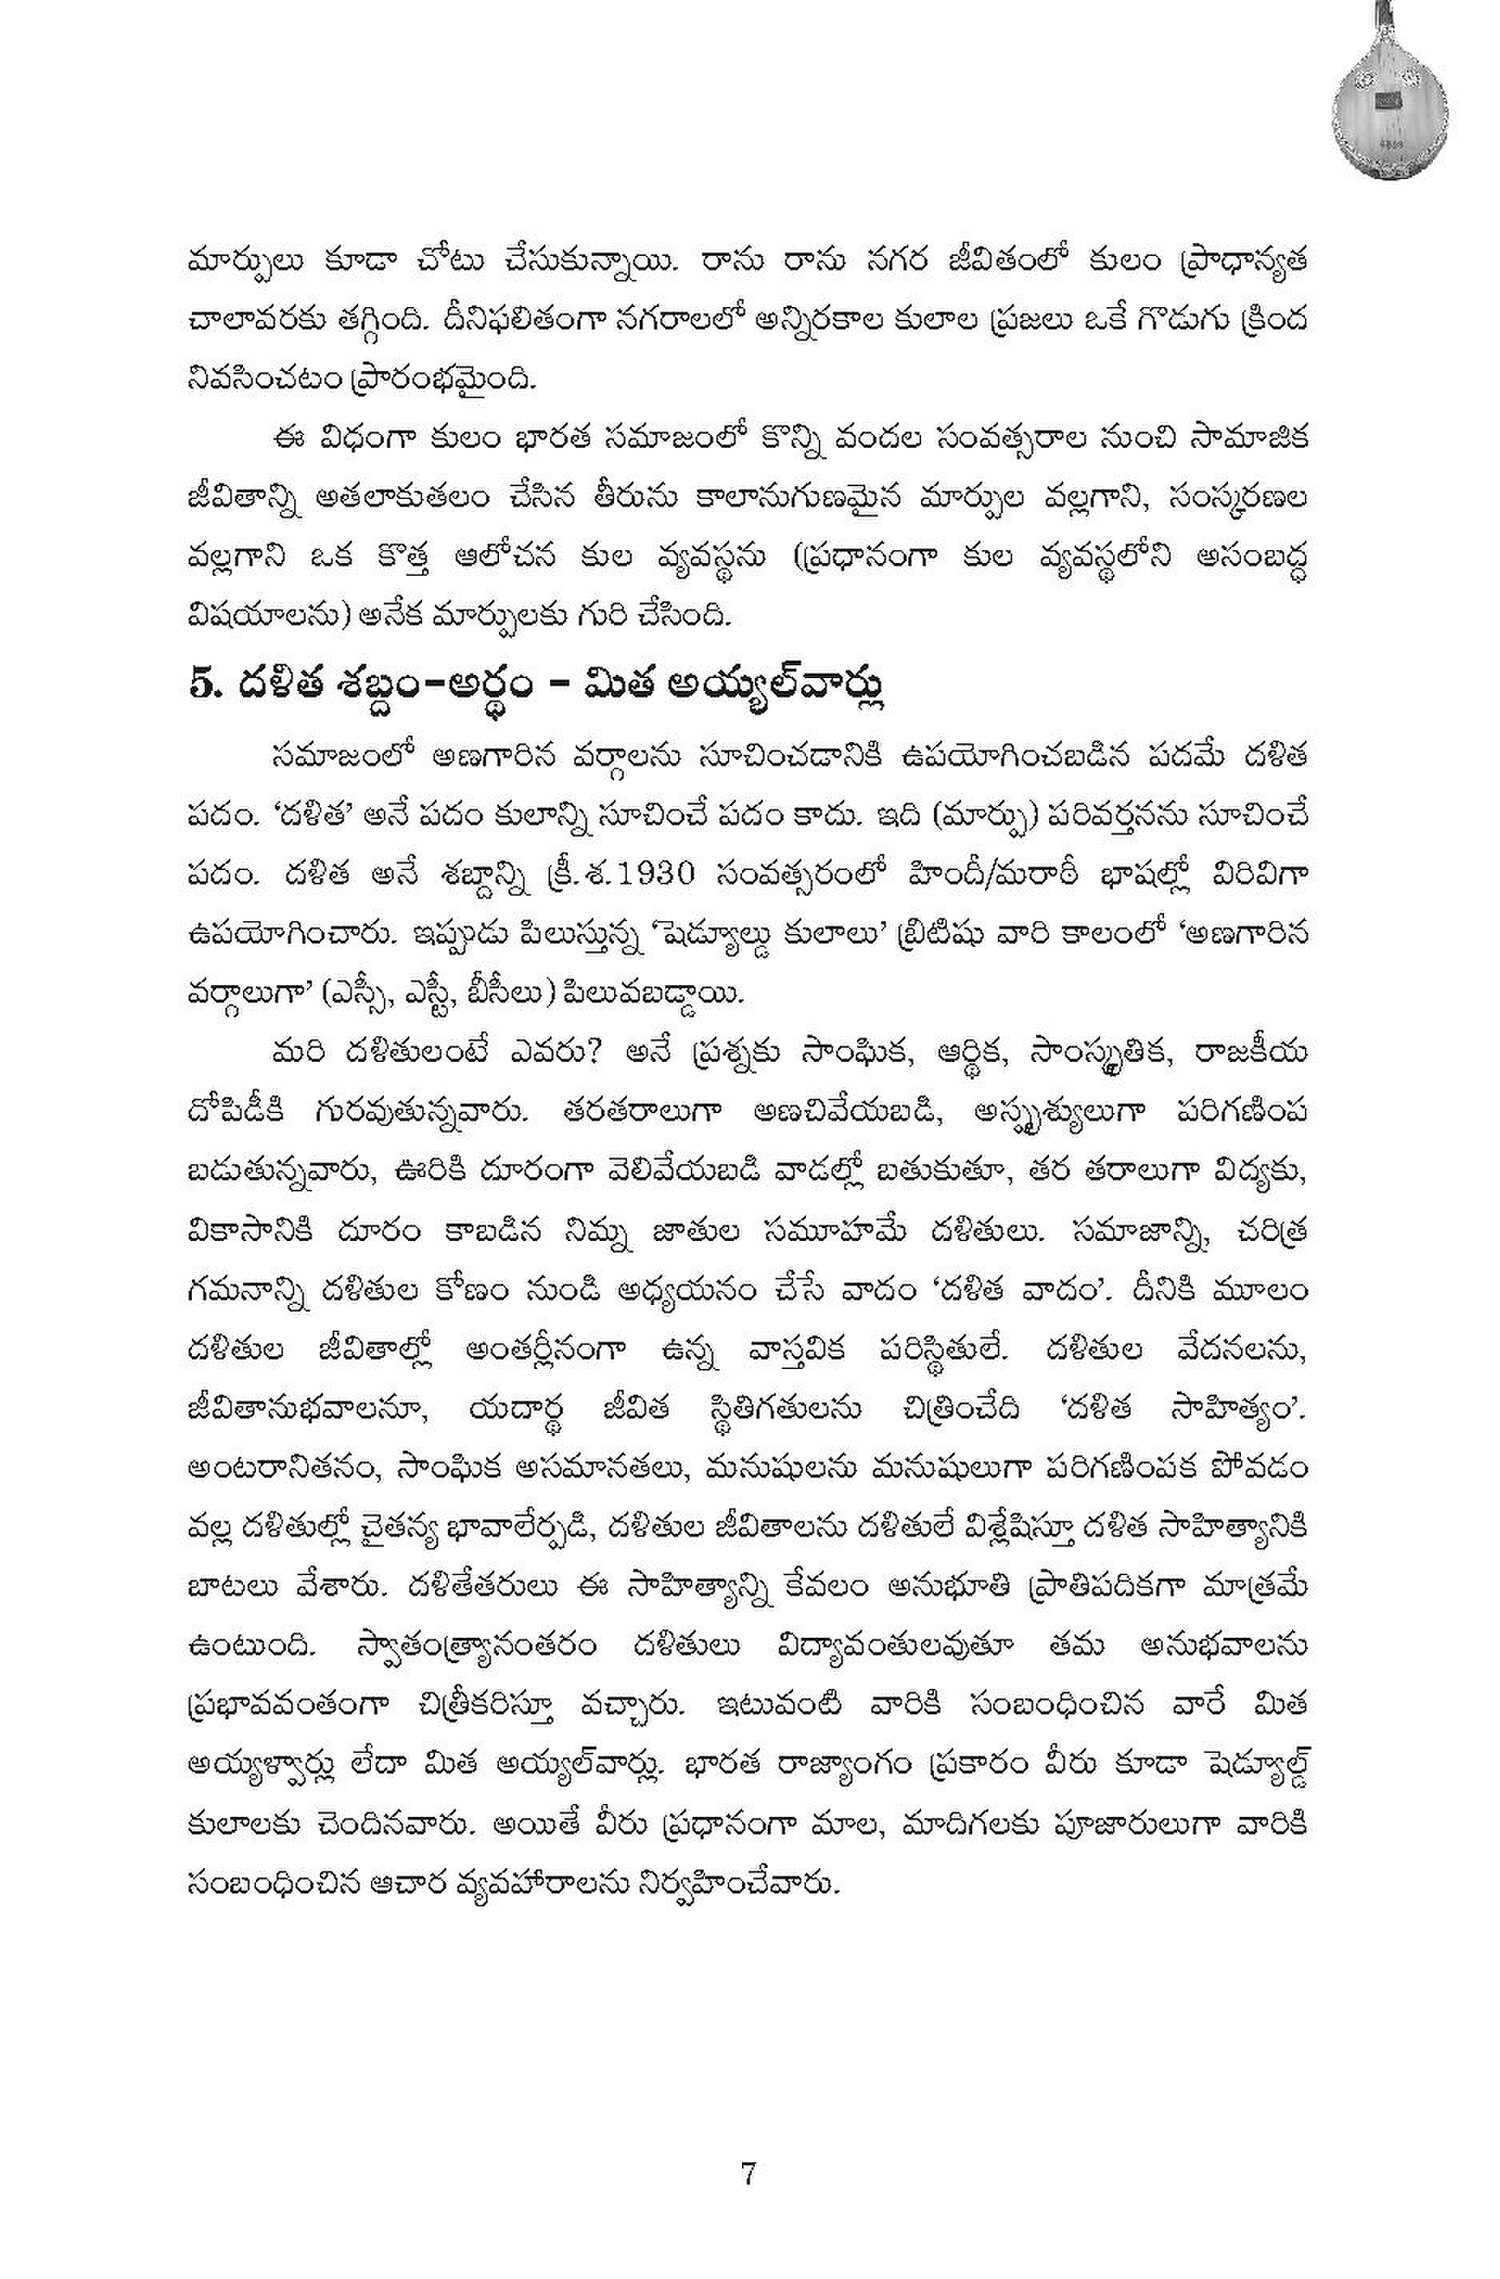మార్పులు కూడా చోటు చేసుకున్నాయి. రాను రాను నగర జీవితంలో కులం ప్రాధాన్యత చాలావరకు తగ్గింది. దీని ఫలితంగా నగరాలలో అన్నిరకాల కులాల ప్రజలు ఒకే గొడుగు క్రింద నివసించటం ప్రారంభమైంది.

ఈ విధంగా కులం భారత సమాజంలో కొన్ని వందల సంవత్సరాల నుంచి సామాజిక జీవితాన్ని అతలాకుతలం చేసిన తీరును కాలానుగుణమైన మార్పుల వల్లగాని, సంస్కరణల వల్లగాని ఒక కొత్త ఆలోచన కుల వ్యవస్థను (ప్రధానంగా కుల వ్యవస్థలోని అసంబద్ధ విషయాలను) అనేక మార్పులకు గురి చేసింది.

5. దళిత శబ్దం - అర్థం - మిత అయ్యల్ వార్లు 

సమాజంలో అణగారిన వర్గాలను సూచించడానికి ఉపయోగించబడిన పదమే దళిత పదం. 'దళిత' అనే పదం కులాన్ని సూచించే పదం కాదు. ఇది (మార్పు) పరివర్తనను సూచించే పదం. దళిత అనే శబ్దాన్ని క్రీ.శ.1930 సంవత్సరంలో హిందీ/మరాఠీ భాషల్లో విరివిగా ఉపయోగించారు. ఇప్పుడు పిలుస్తున్న 'షెడ్యూల్డు కులాలు' బ్రిటిషు వారి కాలంలో 'అణగారిన వర్గాలుగా' (ఎస్సీ, ఎస్టీ, బీసీలు) పిలువబడ్డాయి.

మరి దళితులంటే ఎవరు? అనే ప్రశ్నకు సాంఘిక, ఆర్థిక, సాంస్కృతిక, రాజకీయ దోపిడీకి గురవుతున్నవారు. తరతరాలుగా అణచివేయబడి, అస్పృశ్యులుగా పరిగణింప బడుతున్నవారు, ఊరికి దూరంగా వెలివేయబడి వాడల్లో బతుకుతూ, తర తరాలుగా విద్యకు, వికాసానికి దూరం కాబడిన నిమ్న జాతుల సమూహమే దళితులు. సమాజాన్ని, చరిత్ర గమనాన్ని దళితుల కోణం నుండి అధ్యయనం చేసే వాదం 'దళిత వాదం'. దీనికి మూలం దళితుల జీవితాల్లో అంతర్లీనంగా ఉన్న వాస్తవిక పరిస్థితులే. దళితుల వేదనలను, జీవితానుభవాలనూ, యదార్థ జీవిత స్థితిగతులను చిత్రించేది 'దళిత సాహిత్యం'. అంటరానితనం, సాంఘిక అసమానతలు, మనుషులను మనుషులుగా పరిగణింపక పోవడం వల్ల దళితుల్లో చైతన్య భావాలేర్పడి, దళితుల జీవితాలను దళితులే విశ్లేషిస్తూ దళిత సాహిత్యానికి బాటలు వేశారు. దళితేతరులు ఈ సాహిత్యాన్ని కేవలం అనుభూతి ప్రాతిపదికగా మాత్రమే ఉంటుంది. స్వాతంత్య్రానంతరం దళితులు విద్యావంతులవుతూ తమ అనుభవాలను ప్రభావవంతంగా చిత్రీకరిస్తూ వచ్చారు. ఇటువంటి వారికి సంబంధించిన వారే మిత అయ్యళ్వార్లు లేదా మిత అయ్యల్వార్లు. భారత రాజ్యాంగం ప్రకారం వీరు కూడా షెడ్యూల్డ్ కులాలకు చెందినవారు. అయితే వీరు ప్రధానంగా మాల, మాదిగలకు పూజారులుగా వారికి సంబంధించిన ఆచార వ్యవహారాలను నిర్వహించేవారు.